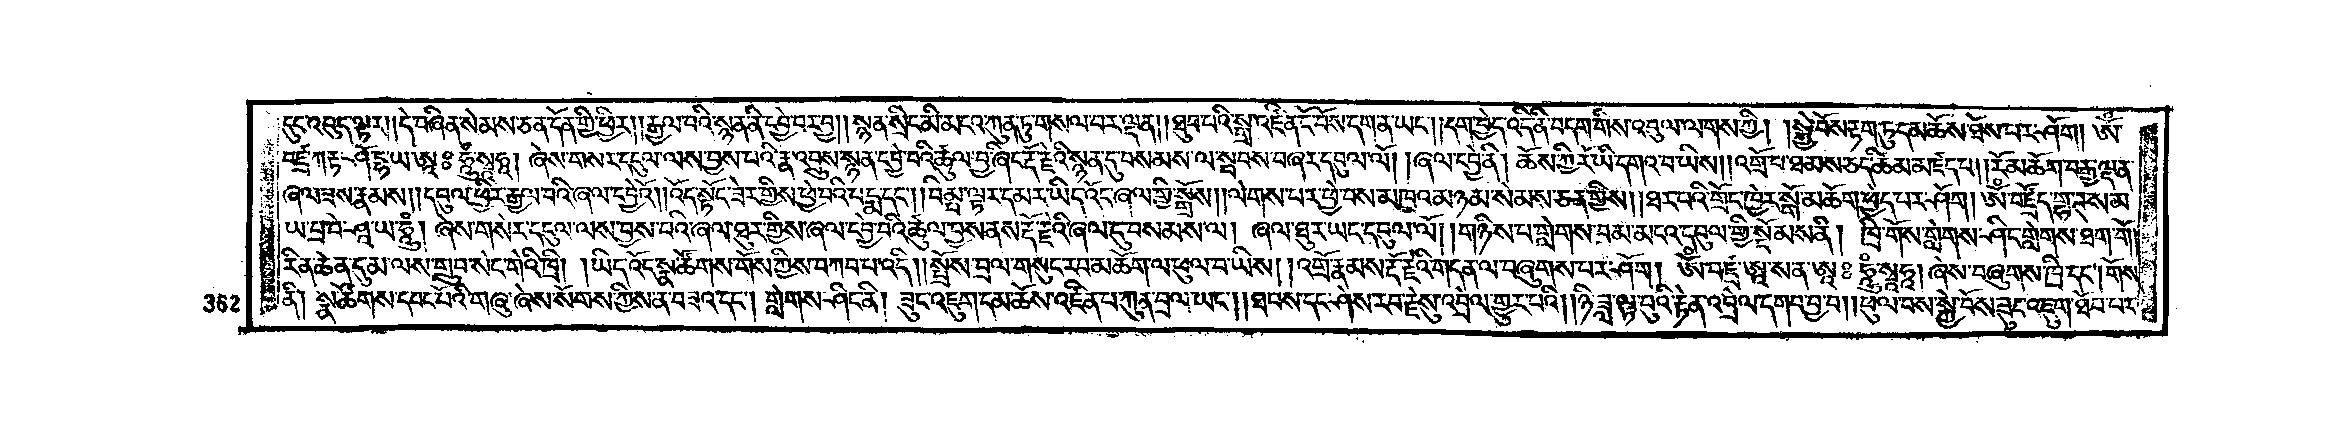དུང་འབུད་ལྟར། །དེ་བཞིན་སེམས་ཅན་དོན་གྱི་ཕྱིར། །རྒྱལ་བའི་སྙན་ནི་དབྱེ་བར་བྱ། །སྙན་སྲིང་མི་མངའ་ཀུན་ཏུ་གསལ་བར་ལྡན། །ཐུབ་པའི་སྒྲ་འཛིན་ངོ་བོས་དག་ན་ཡང་། །དག་བྱེད་འདི་ནི་བདག་གིས་འབུལ་ལགས་ཀྱི། །སྐྱེ་བོས་རྟག་ཏུ་དམ་ཆོས་ཐོས་པར་ཤོག །ཨོཾ་
བཛྲ་ཀརྞ་ཤོ་དྷ་ཡ་ཨཱཿ ཧཱུཾ་སྭཱ་ཧཱ། ཞེས་གསེར་དངུལ་ལས་བྱས་པའི་རྣ་འབྲུས་སྙན་དབྱེ་བའི་ཚུལ་བྱ་ཞིང་རྡོ་རྗེའི་སྙན་དུ་བསམས་ལ་སྦབས་བཞར་དབུལ་ལོ། །ཞལ་དབྱེ་ནི། ཆོས་ཀྱི་རོ་ཡི་དགའ་བ་ཡིས། །འགྲོ་བ་ཐམས་ཅད་ཚིམ་མཛད་པ། །རོ་མཆོག་བརྒྱ་ལྡན་
ཞལ་ཟས་རྣམས། །དབུལ་ཕྱིར་རྒྱལ་བའི་ཞལ་དབྱེའོ། །འོད་སྟོང་ཟེར་གྱིས་ཕྱེ་བའི་པདམ་དང་། །བིམྤ་ལྟར་དམར་ཡིད་འོང་ཞལ་གྱི་སྒྲོས། །ལེགས་པར་ཕྱེ་བས་མཁའ་མཉམ་སེམས་ཅན་གྱིས། །ཐར་པའི་གྲོང་ཁྱེར་སྒོ་མཆོག་ཕྱེད་པར་ཤོག །ཨོཾ་བཛྲོད་གྷ་ཊ་ས་མ་
ཡ་པྲ་བེ་ཤཱ་ཡ་ཧཱུཾ། ཞེས་གསེར་དངུལ་ལས་བྱས་པའི་ཞལ་ཐུར་གྱིས་ཞལ་དབྱེ་བའི་ཚུལ་བྱས་ནས་རྡོ་རྗེའི་ཞལ་དུ་བསམས་ལ། ཞལ་ཐུར་ཡང་དབུལ་ལོ། །གཉིས་པ་གླེགས་བམ་མངའ་དབུལ་གྱི་སྡོམས་ནི། ཁྲི་གོས་གླེགས་ཤིང་གླེགས་ཐག་གོ །
རིན་ཆེན་དུ་མ་ལས་གྲུབ་སེང་གེའི་ཁྲི། །ཡིད་འོང་སྣ་ཚོགས་གོས་ཀྱིས་བཀབ་པ་འདི། །སྤྲོས་བྲལ་གསུང་རབ་མཆོག་ལ་ཕུལ་བ་ཡིས། །འགྲོ་རྣམས་རྡོ་རྗེའི་གདན་ལ་བཞུགས་པར་ཤོག །ཨོཾ་བཛྲ་ཨཱ་ས་ན་ཨཱཿ ཧཱུཾ་སྭཱ་ཧཱ། ཞེས་བཞུགས་ཁྲི་དང་། གོས་
ནི། སྣ་ཚོགས་དབང་པོའི་གཞུ་ཞེས་སོགས་ཀྱིས་ན་བཟའ་དང་། གླེགས་ཤིང་ནི། ཟུང་འཇུག་དམ་ཆོས་འཛིན་པ་ཀུན་བྲལ་ཡང་། །ཐབས་དང་ཤེས་རབ་རྗེས་སུ་འབྲེལ་གྱུར་བའི། །ཉི་ཟླ་ལྟ་བུའི་རྟེན་འབྲེལ་དགབ་བྱ་བ། །ཕུལ་བས་སྐྱེ་བོས་ཟུང་འཇུག་ཐོབ་པར་